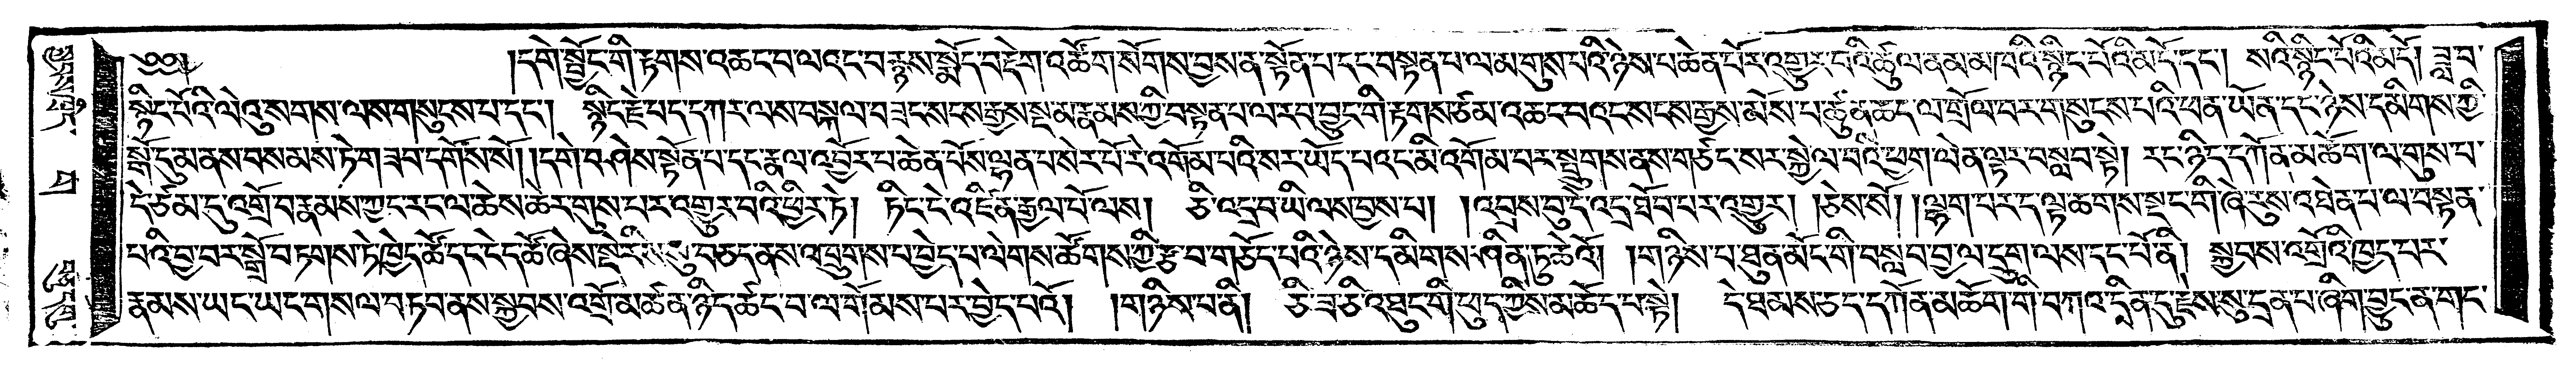༄༅། །དགེ་སྦྱོང་གི་རྟགས་འཆང་བ་ལའང་བརྙས་སྨོད་པ་རྡེག་འཚོག་སོགས་བྱས་ན་སྟོན་པ་དང་བསྟན་པ་ལམ་གུས་པའི་ཉེས་པ་ཆེན་པོར་འགྱུར་བའི་ཚུལ་ནམ་མཁའི་སྙིང་པོའི་མདོ་དང་། སའི་སྙིང་པོའི་མདོ། ཟླ་བ་
སྙིང་པོའི་ལེའུ་སོགས་ལས་གསུངས་བ་དང་། སྙིང་རྗེ་པད་དཀར་ལས་བསྐལ་བཟང་སངས་རྒྱས་སྔ་མ་རྣམས་ཀྱི་བསྟན་པ་ལ་རབ་བྱུང་གི་རྟགས་ཙམ་འཆང་བའང་སངས་རྒྱས་མོས་པ་ཚུན་ཆད་ལ་གྲོལ་བར་གསུངས་པའི་ཕན་ཡོན་དང་ཉེས་དམིགས་ཀྱི་
སྒོ་དུ་མ་ནས་བསམས་ཏེ་གཟབ་དགོས་སོ། །དགེ་བཤེས་སྟོན་པ་དང་རྣལ་འབྱོར་པ་ཆེན་པོས་ལྷན་པ་སེར་པོ་རེ་འགོམ་པའི་སར་ཡོད་པའང་མི་འགོམ་པར་སྦྲུགས་ནས་གཙང་སར་སྐྱེལ་བའི་ཕྱག་ལེན་ལྟར་བསླབ་སྟེ། རང་ཉིད་དཀོན་མཆོག་ལ་གུས་པ་
དེ་ཙམ་དུ་འགྲོ་བ་རྣམས་ཀྱང་རང་ལ་ཆེས་ཆེར་གུས་པར་འགྱུར་བའི་ཕྱིར་ཏེ། ཏིང་ངེ་འཛིན་རྒྱལ་པོ་ལས། ཅི་འདྲ་བ་ཡི་ལས་བྱས་པ། །འབྲས་བུ་དེ་འདྲ་ཐོབ་པར་འགྱུར། །ཅེས་སོ། །ལྷག་པར་ད་ལྟ་ཆགས་སྡང་གི་ཞེ་རུས་འཐེན་པ་ལ་བསྟན་
བའི་བྱ་བར་སྒྲོ་བཏགས་ཏེ་ཁྱེད་ཚོ་དང་ངེད་ཚོ་ཞེས་སྡེ་རིས་སུ་བཅད་ནས་འཁྲུགས་པ་བྱེད་པ་ལེགས་ཚོགས་ཀྱི་རྩ་བ་གཅོད་པའི་ཉེས་དམིགས་ཤིན་ཏུ་ཆེའོ། །གཉིས་པ་ཐུན་མོང་གི་བསླབ་བྱ་ལ་དྲུག་ལས་དང་པོ་ནི། སྐྱབས་འགྲོའི་ཁྱད་པར་
རྣམས་ཡང་ཡང་གསལ་བཏབ་ནས་སྐྱབས་འགྲོ་མཚན་ཉིད་ཚང་བ་ལ་གོམས་པར་བྱེད་པའོ། །གཉིས་པ་ནི། ཅི་ཟ་ཅི་འཐུང་གི་ཕུད་ཀྱིས་མཆོད་པ་སྟེ། དེ་ཐམས་ཅད་དཀོན་མཆོག་གི་བཀའ་དྲིན་དུ་རྗེས་སུ་དྲན་པ་ཞིག་བྱུང་ན་གང་